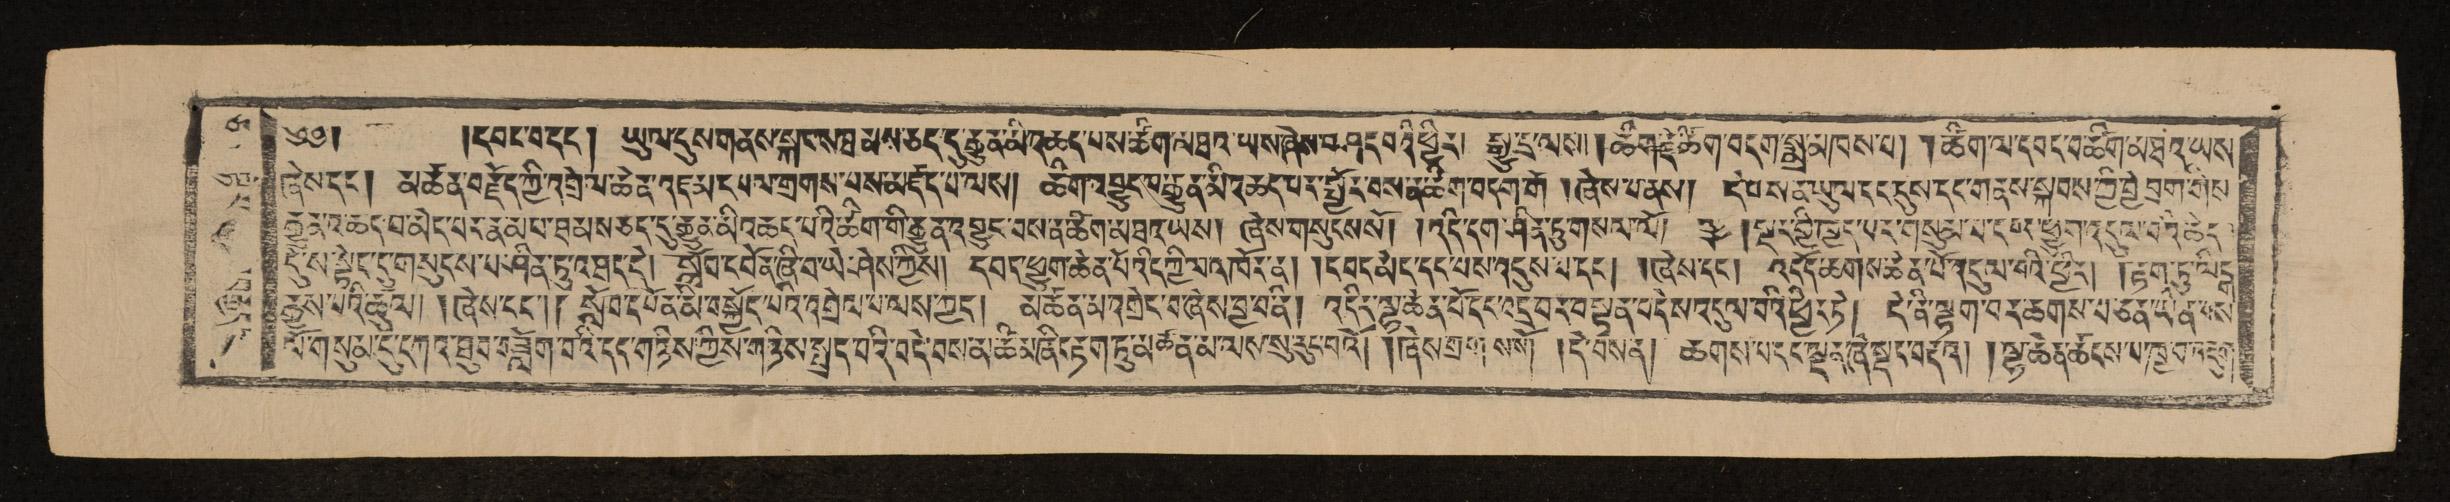༄༅། །དབང་བ་དང་། ཡུལ་དུས་གནས་སྐབས་ཐམས་ཅད་དུ་རྒྱུན་མི་འཆད་པས་ཚིག་མཐའ་ཡས་ཞེས་བཤད་པའི་ཕྱིར། སྒྱུ་དྲ་ལས། ཚིག་རྗེ་ཚིག་བདག་སྨྲ་མཁས་པ། །ཚིག་ལ་དབང་བ་ཚིག་མཐའ་ཡས།
ཞེས་དང་། མཚན་བརྗོད་ཀྱི་འགྲེལ་ཆེན་འཇམ་དཔལ་གྲགས་པས་མཛད་པ་ལས། ཚིག་འབྱུང་བ་རྒྱུན་མི་འཆད་པར་སྦྱོར་བས་ན་ཚིག་བདག་གོ །ཞེས་པ་ནས། དེ་བས་ན་ཡུལ་དང་དུས་དང་གནས་སྐབས་ཀྱི་བྱེ་བྲག་གིས་
རྒྱུན་འཆད་པ་མེད་པར་རྣམ་པ་ཐམས་ཅད་དུ་རྒྱུན་མི་འཆད་པའི་ཚིག་གི་རྒྱུན་འབྱུང་བས་ན་ཚིག་མཐའ་ཡས། ཞེས་གསུངས་སོ། །འདི་དག་ཤིན་ཏུ་གསལ་ལོ། ༈ །སྔར་གྱི་ཁྱད་པར་གསུམ་པ་དབང་ཕྱུག་འདུལ་བའི་ཆེད་
དུ་ས་སྟེང་དུ་གསུངས་པ་ཤིན་ཏུ་འཐད་དེ། སློབ་དཔོན་ཞི་བ་ཡེ་ཤེས་ཀྱིས། དབང་ཕྱུག་ཆེན་པོའི་དཀྱིལ་འཁོར་ན། །དབང་མེད་དད་བས་འདུས་པ་དང་། །ཞེས་དང་། འདོད་ཆགས་ཆེན་པོ་འདུལ་བའི་ཕྱིར། །རྟག་ཏུ་ལིངྒ་
རྒྱས་པའི་ཚུལ། །ཞེས་དང་། སློབ་དཔོན་མི་བསྐྱོད་པའི་འགྲེལ་པ་ལས་ཀྱང་། མཚན་མ་འགྲེང་བ་ཞེས་བྱ་བ་ནི། འདིར་ལྷ་ཆེན་པོ་དང་འདྲ་བར་བསྟན་པ་དེས་འདུལ་བའི་ཕྱིར་ཏེ། དེ་ནི་ལྷག་པར་ཆགས་པ་ཅན་ཡིན་པས་
ལོ་གསུམ་དུ་དཀའ་ཐུབ་བཟློག་པའི་དང་གཉིས་ཀྱིས་གཉིས་སྤྲད་པའི་བདེ་བས་མ་ཚིམ་ཞིང་རྟག་ཏུ་མཚན་མ་ལས་སུ་རུང་བའོ། །ཞེས་གྲགས་སོ། །དེ་བས་ན། ཆགས་པ་དང་ལྡན་ཞེ་སྡང་བརྡའ། །ལྷ་ཆེན་ཚངས་པ་ཁྱབ་འཇུག་